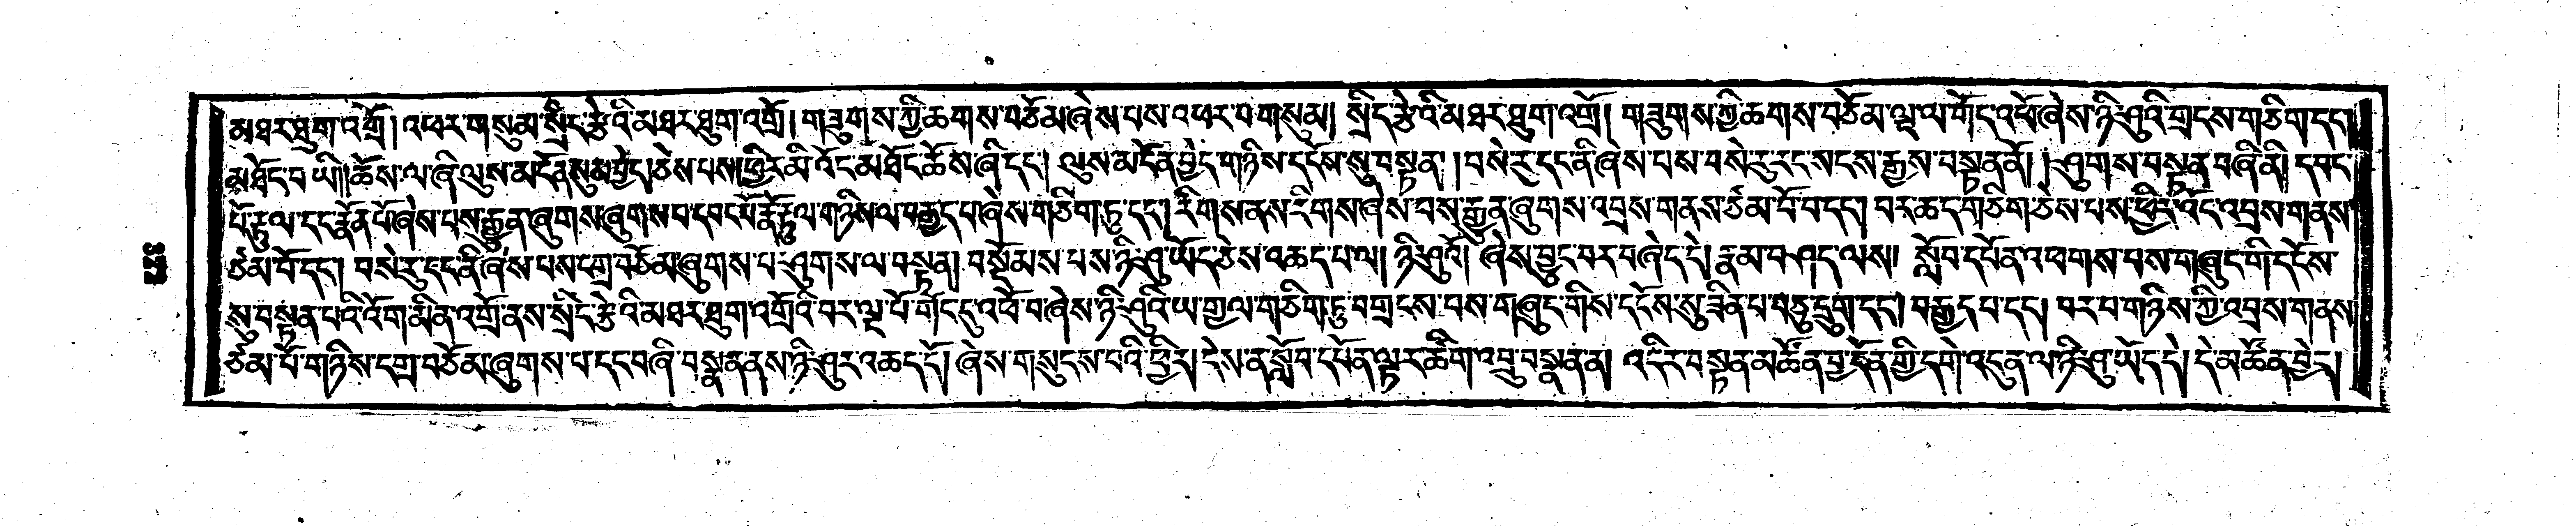མཐར་ཐུག་འགྲོ། འཕར་གསུམ་སྲིད་རྩེའི་མཐར་ཐུག་འགྲོ། གཟུགས་ཀྱི་ཆགས་བཅོམ་ཞེས་པས་འཕར་བ་གསུམ། སྲིད་རྩེའི་མཐར་ཐུག་འགྲོ། གཟུགས་ཀྱི་ཆགས་བཅོམ་ལྔ་ལ་གོང་འཕོ་ཞེས་ཉི་ཤུའི་གྲངས་གཅིག་དང་།
མཐོང་བ་ཡི། །ཆོས་ལ་ཞི་ལུས་མངོན་སུམ་བྱེད། ཅེས་པས། ཕྱིར་མི་འོང་མཐོང་ཆོས་ཞི་དང་། ལུས་མངོན་བྱེད་གཉིས་དངོས་སུ་བསྟན། །བསེ་རུ་དང་ནི་ཞེས་པས་བསེ་རུ་རང་སངས་རྒྱས་བསྟན་ནོ། །ཤུགས་བསྟན་བཞི་ནི། དབང་
པོ་རྟུལ་དང་རྣོན་པོ་ཞེས་པས་རྒྱུན་ཞུགས་ཞུགས་པ་དབང་པོ་རྣོ་རྟུལ་གཉིས་ལ་བརྒྱད་པ་ཞེས་གཅིག་ཏུ་དང་། རིགས་ནས་རིགས་ཞེས་པས་རྒྱུན་ཞུགས་འབྲས་གནས་ཙམ་པོ་བ་དང་། བར་ཆད་གཅིག་ཅེས་པས་ཕྱིར་འོང་འབྲས་གནས་
ཙམ་པོ་དང་། བསེ་རུ་དང་ནི་ཞེས་པས་དགྲ་བཅོམ་ཞུགས་པ་ཤུགས་ལ་བསྟན། བསྡོམས་པས་ཉི་ཤུ་ཡོད་ཅེས་འཆད་པ་ལ། ཉི་ཤུའོ། ཞེས་བྱུང་བར་བཞེད་དེ། རྣམ་བཤད་ལས། སློབ་དཔོན་འཕགས་པས་གཞུང་གི་དངོས་
སུ་བསྟན་པའི་འོག་མིན་འགྲོ་ནས་སྲིད་རྩེའི་མཐར་ཐུག་འགྲོའི་བར་ལྔ་པོ་གོང་དུ་འཕོ་བ་ཞེས་ཉི་ཤུའི་ཡ་གྱལ་གཅིག་ཏུ་བགྲངས་པས་གཞུང་གིས་དངོས་སུ་ཟིན་པ་བཅུ་དྲུག་དང་། བརྒྱད་པ་དང་། བར་པ་གཉིས་ཀྱི་འབྲས་གནས་
ཙམ་པོ་གཉིས་དགྲ་བཅོམ་ཞུགས་པ་དང་བཞི་བསྣན་ནས་ཉི་ཤུར་འཆད་དོ། ཞེས་གསུངས་པའི་ཕྱིར། དེས་ན་སློབ་དཔོན་ལྟར་ཚིག་འབྲུ་བསྣན་ན། འདིར་བསྟན་མཚོན་བྱ་དོན་གྱི་དགེ་འདུན་ལ་ཉི་ཤུ་ཡོད་དེ། དེ་མཚོན་བྱེད།